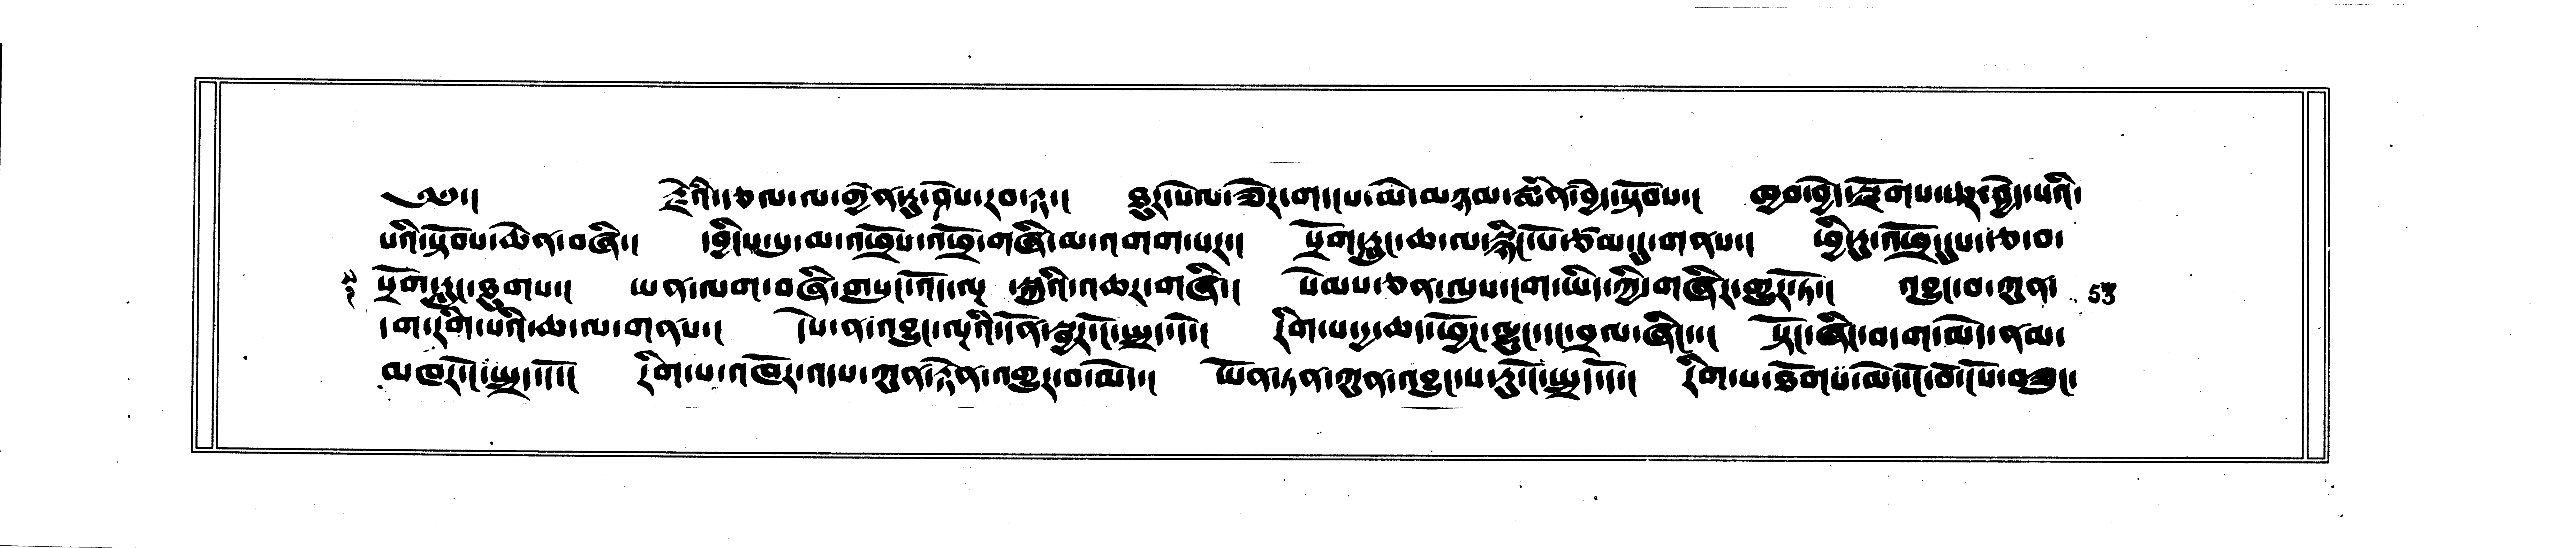རྗེའི་རྩལ་ལ་གྱེན་དུ་ཤེས་རབ་རྟ། །ཐུར་སེལ་ཟེར་གདངས་མེ་མཉམ་སྨིན་བྱེད་སྟོབས། །ཁྱབ་བྱེད་རྫོགས་པར་བྱེད་པའི་
སྟོབས་ཆེན་བཞི། །དབྱིངས་སུ་མ་འཕྲོས་འཕྲོ་བཞི་མ་འགག་པར། །སྲོག་རླུང་ཆ་ལ་སྙིང་པོ་ཙམ་དུ་གནས། །ཕྱི་རུ་འཕྲོ་དུས་རྩ་བ་
སྲོག་རླུང་ཐུགས། །ཡན་ལག་བཞི་གསུང་འོད་ལྔ་སྐུའི་འཆར་གཞི། །སེམས་ཅན་ལུས་ངག་ཡིད་ཀྱི་གཞིར་གྱུར་ཏོ། །འབྱུང་བ་ཀུན་
དག་རིག་པའི་ཆ་ལ་གནས། །དེས་ན་འབྱུང་ལྔའི་དོན་སྦྱར་ངོ་སྤྲད་དེ། །རིག་པ་རྒྱ་ཆད་ཕྱོགས་ལྷུང་དང་བྲལ་ཞིང་། །སྟོང་ཞིང་བདག་མེད་ནམ་
མཁར་ངོ་སྤྲད་དོ། །རིག་པ་འཁོར་འདས་ཀུན་བརྟེན་འགྱུར་བ་མེད། །ཡོན་ཏན་ཀུན་འབྱུང་ས་རུ་ངོ་སྤྲད་དོ། །རིག་པ་ཐོགས་མེད་ངོ་བོ་ངོས་བཟུང་